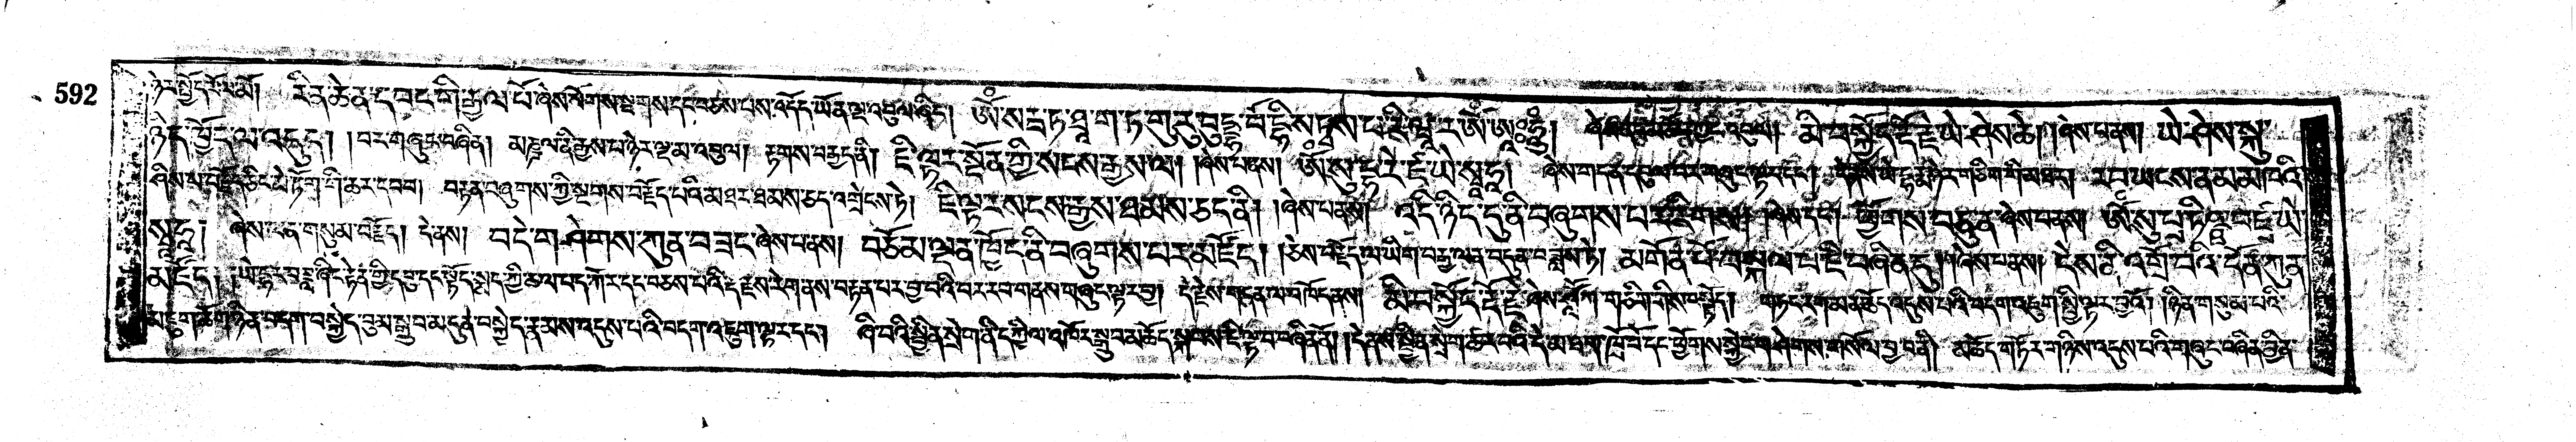ཉེར་སྤྱོད་རོལ་མོ། རིན་ཆེན་དབང་གི་རྒྱལ་པོ་ཞེས་སོགས་སྔགས་དང་བཅས་པས་འདོད་ཡོན་ལྔ་འབུལ་ཞིང་། ཨོཾ་སརྦ་ཏ་ཐཱ་ག་ཏ་གུ་རུ་བུདྡྷ་བོ་དྷི་སྟྭ་ས་པ་རི་ཝཱ་ར་ཨོཾ་ཨཱཿཧཱུཾ། ཞེས་ནང་མཆོད་ཀྱང་འབུལ།  མི་བསྐྱོད་རྡོ་རྗེ་ཡེ་ཤེས་ཆེ། །ཤེས་པ་ནས།  ཡེ་ཤེས་སྐུ་
ཉིད་ཁྱོད་ལ་འདུད། །བར་གཞུང་བཞིན། མཎྜལ་ནི་རྒྱས་པ་ཉེར་ལྔ་མ་འབུལ། རྟགས་བརྒྱད་ནི།  ཇི་ལྟར་སྔོན་གྱི་སངས་རྒྱས་ལ། །ཞེས་པ་ནས།  ཨོཾ་སུ་དྷ་རེ་ཛ་ཡེ་སྭའྷཱ། ཞེས་གདན་དབུལ་བར་གཞུང་ལྟར་དང་། དེ་ནས་ཡེ་དྷ་རྨ་ཉེར་གཅིག་གི་མཐར།  ར་བ་ཡངས་ནམ་མཁའི་
ཤིས་པ་བརྗོད་ཅིང་མེ་ཏོག་གི་ཆར་དབབ། བརྟན་བཞུགས་ཀྱི་སྔགས་བརྗོད་པའི་མཐར་ཐམས་ཅད་འགྲེངས་ཏེ། ཇི་ལྟར་སངས་རྒྱས་ཐམས་ཅད་ནི། །ཞེས་པ་ནས།  འདི་ཉིད་དུ་ནི་བཞུགས་པར་རིགས། །ཞེས་དང་།  ཕྱོགས་བཅུ་ན་ཞེས་པ་ནས།  ཨོཾ་སུ་པྲ་ཏིཥཊཿཨ་བཛྲ་ཡེ་
སྭཱཧཱ། ཞེས་ལན་གསུམ་བརྗོད། དེ་ནས།  བདེ་གཤེགས་ཀུན་བཟང་ཞེས་པ་ནས།  བཅོམ་ལྡན་ཁྱོད་ནི་བཞུགས་པར་མཛོད། །ཅེས་བརྗོད་ལ་ཡིག་བརྒྱ་ལན་བདུན་བཟླས་ཏེ།  མགོན་པོ་བསྐལ་པ་ཇི་བཞིན་དུ། །ཞེས་པ་ནས།  དེས་ནི་འགྲོ་མའི་དོན་ཀུན་
མཛོད༑ ༑ཡེ་དྷར་བཟླ་ཞིང་རྟེན་གྱི་དབུ་དང་སྟོད་སྨད་ཀྱི་ཆ་ལ་པད་ཀོར་དང་བཅས་པའི་རྡོ་རྗེས་རེག་ནས་བརྟན་པར་བྱ་བའི་བར་རབ་གནས་གཞུང་ལྟར་བྱ། དེ་རྗེས་གདན་ལ་འཁོད་ནས།  མི་བསྐྱོད་རྡོ་རྗེ་ཞེས་ཤླཽ་ཀ་གཅིག་གིས་བསྟོད། གཏང་རག་མན་ཆོད་འདུས་པའི་བདག་འཇུག་སྤྱི་ལྟར་བྱའོ། །ཉིན་གསུམ་པའི་
མཇུག་ཅོག་ཉིན་བདག་བསྐྱེད་བུམ་སྒྲུབ་མདུན་བསྐྱེད་རྣམས་འདུས་པའི་བདག་འཇུག་ལྟར་དང་། ཞི་བའི་སྦྱིན་སྲེག་ནི་དཀྱིལ་འཁོར་སྒྲུབ་མཆོད་སྐབས་ཇི་ལྟ་བ་བཞིན་ནོ། །དེ་ནས་སྦྱིན་སྲེག་ཚར་བའི་དེ་མ་ཐག་ཁྲོ་བོ་དང་ཕྱོགས་སྐྱོང་གཤེགས་གསོལ་བྱ་བ་ནི། མཆོད་གཏོར་གཉིས་འདུས་པའི་གཞུང་བཞིན་བྱིན་